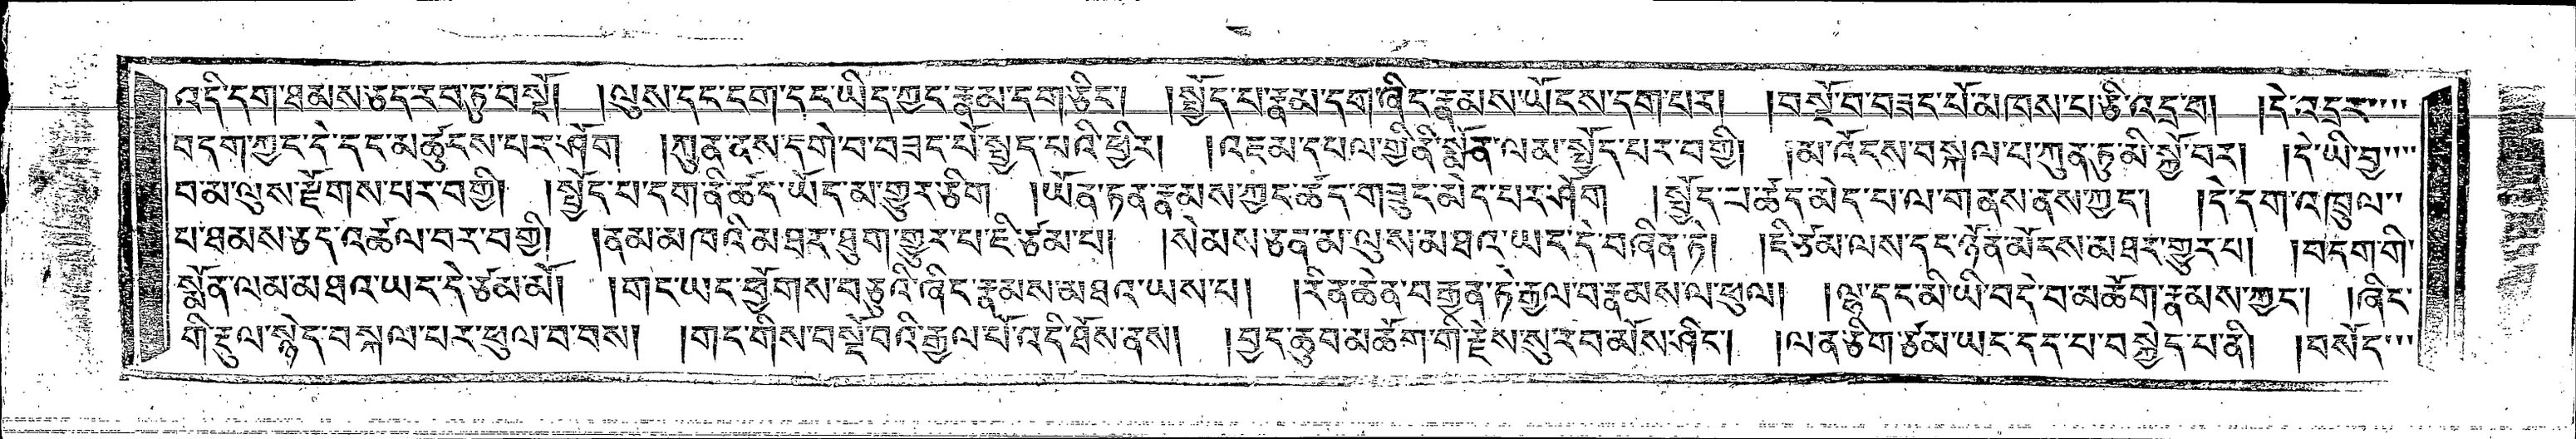འདི་དག་ཐམས་ཅད་རབ་ཏུ་བསྔོ། །ལུས་དང་ངག་དང་ཡིད་ཀྱང་རྣམ་དག་ཅིང་། །སྤྱོད་པ་རྣམ་དག་ཞིང་རྣམས་ཡོངས་དག་པར། །བསྔོ་བ་བཟང་པོ་མཁས་པ་ཅི་འདྲ་བ། །དེ་འདྲར་
བདག་ཀྱང་དེ་དང་མཚུངས་པར་ཤོག །ཀུན་ནས་དགེ་བ་བཟང་པོ་སྤྱད་པའི་ཕྱིར། །འཇམ་དཔལ་གྱི་ནི་སྨོན་ལམ་སྤྱོད་པར་བགྱི། །མ་འོངས་བསྐལ་པ་ཀུན་ཏུ་མི་སྐྱོ་བར། །དེ་ཡི་བྱ་
བ་མ་ལུས་རྫོགས་པར་བགྱི། །སྤྱོད་པ་དག་ནི་ཚད་ཡོད་མ་གྱུར་ཅིག །ཡོན་ཏན་རྣམས་ཀྱང་ཚད་གཟུང་མེད་པར་ཤོག །སྤྱོད་པ་ཚད་མེད་པ་ལ་གནས་ནས་ཀྱང་། །དེ་དག་འཁྲུལ་
པ་ཐམས་ཅད་འཚལ་བར་བགྱི། །ནམ་མཁའི་མཐར་ཐུག་གྱུར་པ་ཇི་ཙམ་པ། །སེམས་ཅན་མ་ལུས་མཐའ་ཡང་དེ་བཞིན་ཏེ། །ཇི་ཙམ་ལས་དང་ཉོན་མོངས་མཐར་གྱུར་པ། །བདག་གི་
སྨོན་ལམ་མཐའ་ཡང་དེ་ཙམ་མོ། །གང་ཡང་ཕྱོགས་བཅུའི་ཞིང་རྣམས་མཐའ་ཡས་པ། །རིན་ཆེན་བརྒྱན་ཏེ་རྒྱལ་བ་རྣམས་ལ་ཕུལ། །ལྷ་དང་མི་ཡི་བདེ་བ་མཆོག་རྣམས་ཀྱང་། །ཞིང་
གི་རྡུལ་སྙེད་བསྐལ་པར་ཕུལ་བ་བས། །གང་གིས་བསྔོ་བའི་རྒྱལ་པོ་འདི་ཐོས་ནས། །བྱང་ཆུབ་མཆོག་གི་རྗེས་སུ་རབ་མོས་ཤིང་། །ལན་ཅིག་ཙམ་ཡང་དག་པ་བསྐྱེད་པ་ནི། །བསོད་